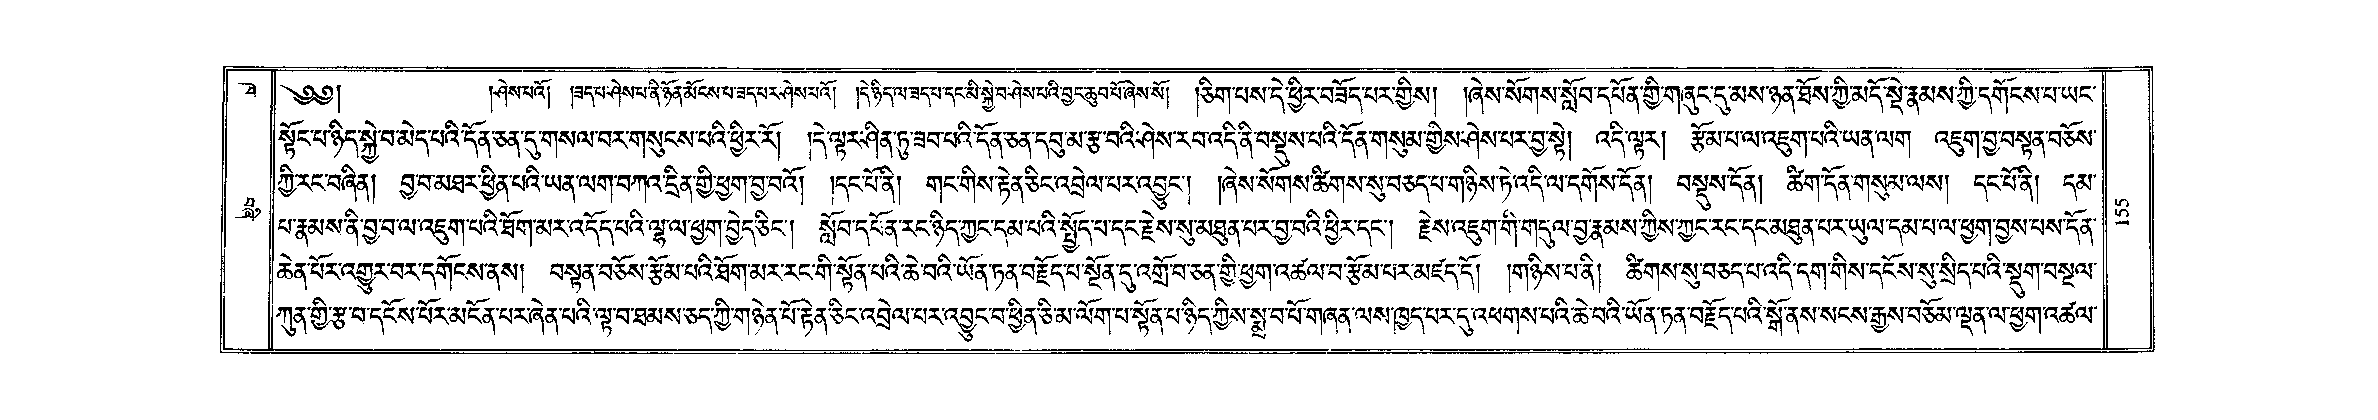༄༅། །ཤེས་པའོ། །ཟད་པ་ཤེས་པ་ནི་ཉོན་མོངས་པ་ཟད་པར་ཤེས་པའོ། །དེ་ཉིད་ལ་ཟད་པ་དང་མི་སྐྱེ་བ་ཤེས་པའི་བྱང་ཆུབ་པོ་ཞེས་སོ། །ཅིག་པས་དེ་ཕྱིར་བཟོད་པར་གྱིས། །ཞེས་སོགས་སློབ་དཔོན་གྱི་གཞུང་དུ་མས་ཉན་ཐོས་ཀྱི་མདོ་སྡེ་རྣམས་ཀྱི་དགོངས་པ་ཡང་
སྟོང་པ་ཉིད་སྐྱེ་བ་མེད་པའི་དོན་ཅན་དུ་གསལ་བར་གསུངས་པའི་ཕྱིར་རོ། །དེ་ལྟར་ཤིན་ཏུ་ཟབ་པའི་དོན་ཅན་དབུ་མ་རྩ་བའི་ཤེས་རབ་འདི་ནི་བསྡུས་པའི་དོན་གསུམ་གྱིས་ཤེས་པར་བྱ་སྟེ། འདི་ལྟར། རྩོམ་པ་ལ་འཇུག་པའི་ཡན་ལག་འཇུག་བྱ་བསྟན་བཅོས་
ཀྱི་རང་བཞིན། བྱ་བ་མཐར་ཕྱིན་པའི་ཡན་ལག་བཀའ་དྲིན་གྱི་ཕྱག་བྱ་བའོ། །དང་པོ་ནི། གང་གིས་རྟེན་ཅིང་འབྲེལ་པར་འབྱུང་། །ཞེས་སོགས་ཚིགས་སུ་བཅད་པ་གཉིས་ཏེ་འདི་ལ་དགོས་དོན། བསྡུས་དོན། ཚིག་དོན་གསུམ་ལས། དང་པོ་ནི། དམ་
པ་རྣམས་ནི་བྱ་བ་ལ་འཇུག་པའི་ཐོག་མར་འདོད་པའི་ལྷ་ལ་ཕྱག་བྱེད་ཅིང་། །སློབ་དཔོན་རང་ཉིད་ཀྱང་དམ་པའི་སྤྱོད་པ་དང་རྗེས་སུ་མཐུན་པར་བྱ་བའི་ཕྱིར་དང་། རྗེས་འཇུག་གི་གདུལ་བྱ་རྣམས་ཀྱིས་ཀྱང་རང་དང་མཐུན་པར་ཡུལ་དམ་པ་ལ་ཕྱག་བྱས་པས་དོན་
ཆེན་པོར་འགྱུར་བར་དགོངས་ནས། བསྟན་བཅོས་རྩོམ་པའི་ཐོག་མར་རང་གི་སྟོན་པའི་ཆེ་བའི་ཡོན་ཏན་བརྗོད་པ་སྔོན་དུ་འགྲོ་བ་ཅན་གྱི་ཕྱག་འཚལ་བ་རྩོམ་པར་མཛད་དོ། །གཉིས་པ་ནི། ཚིགས་སུ་བཅད་པ་འདི་དག་གིས་དངོས་སུ་སྲིད་པའི་སྡུག་བསྔལ་
ཀུན་གྱི་རྩ་བ་དངོས་པོར་མངོན་པར་ཞེན་པའི་ལྟ་བ་ཐམས་ཅད་ཀྱི་གཉེན་པོ་རྟེན་ཅིང་འབྲེལ་བར་འབྱུང་བ་ཕྱིན་ཅི་མ་ལོག་པ་སྟོན་པ་ཉིད་ཀྱིས་སྨྲ་བ་པོ་གཞན་ལས་ཁྱད་པར་དུ་འཕགས་པའི་ཆེ་བའི་ཡོན་ཏན་བརྗོད་པའི་སྒོ་ནས་སངས་རྒྱས་བཅོམ་ལྡན་ལ་ཕྱག་འཚལ་